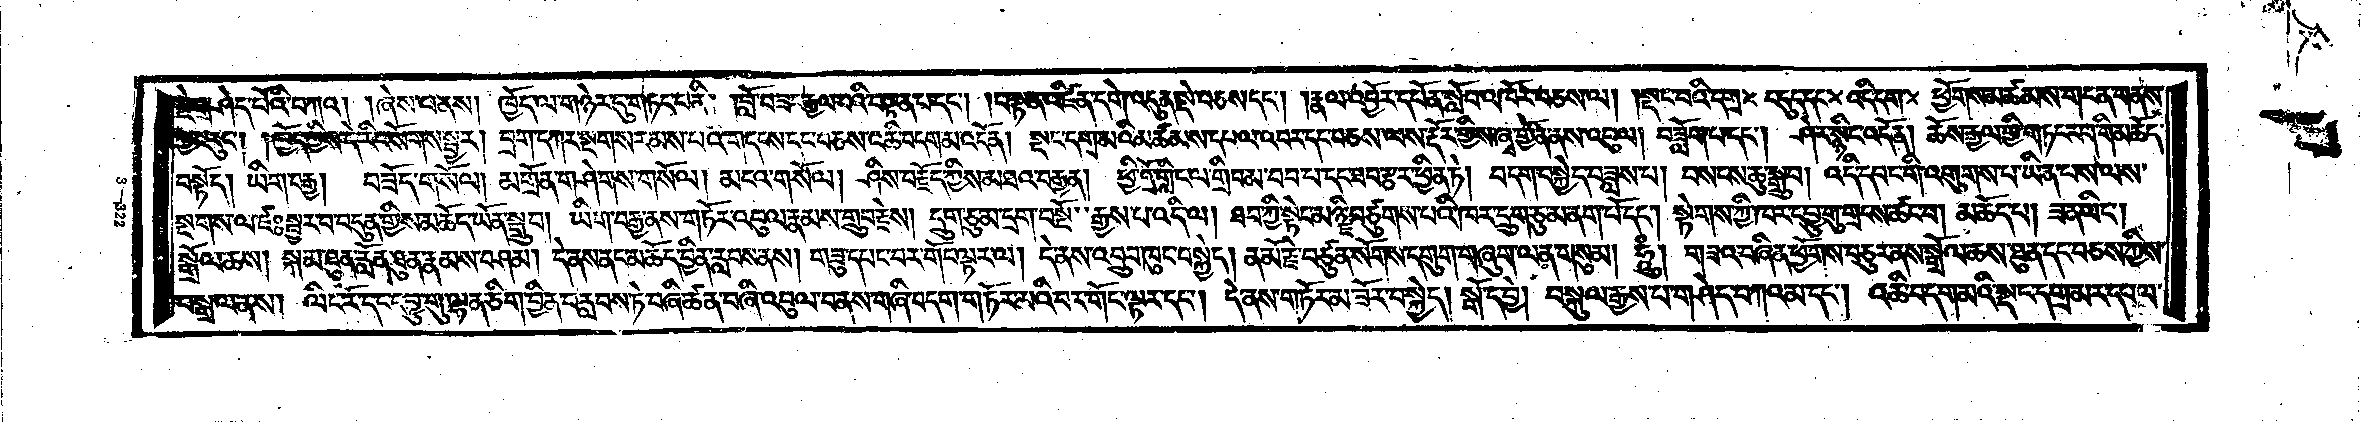རྗེ་གཤེད་པོའི་བཀའ། །ཞེས་པ་ནས། ཁྱོད་ལ་གཉེར་དུ་གཏང་པ་ནི། །བློ་བཟང་རྒྱལ་བའི་བསྟན་པ་དང་། །བསྟན་འཛིན་དགེ་འདུན་སྡེ་བཅས་དང་། །རྣལ་འབྱོར་དཔོན་སློབ་འཁོར་བཅས་ལ། །སྡང་པའི་དགྲ྾་བདུད་དང྾་འདི་དག྾་ཕྱོགས་མཚམས་གང་ན་གནས་
ཀྱང་རུང་། །ཁྱོད་གྱིས་དེ་རིང་སོགས་སྦྱར། བྲག་དཀར་སྔགས་རིམས་པའི་གདངས་དང་བཅས་འཆི་བདག་མ་འདོན། སྡང་དགྲ་མའི་མཚམས་དཔལ་འབར་དང་བཅས་ལས་རྡོར་གྱིས་ཞྭ་གྱོན་ནས་འབུལ། བཟློག་པ་དང་། ཤེར་སྙིང་འདོན། ཆོས་རྒྱལ་གྱི་གཏང་རག་གི་མཆོད་
བསྟོད། ཡིག་བརྒྱ། བཟོད་གསོལ། །མགྲོན་གཤེགས་གསོལ། མངའ་གསོལ། ཤིས་བརྗོད་ཀྱིས་མཐའ་བརྒྱན། ཕྱི་བྲོ་གླིང་ལ་གྲིབ་མ་བབ་པ་དང་ཐབ་རྩར་ཕྱིན་ཏེ། བདག་བསྐྱེད་བཟླས་པ། བསངས་ཆུ་སྒྲུབ། འདི་དབང་གི་འགུགས་པ་ཡིན་པས་ལས་
སྔགས་ལ་ཛཿ སྦྱར་བ་བདུན་གྱིས་མཆོད་ཡོན་སྒྲུབ། ཡིག་བརྒྱ་ནས་གཏོར་འབུལ་རྣམས་གྲུབ་རྗེས། དྲུག་ཅུ་མ་དྲག་བསྔོ་རྒྱས་པ་འདི་ལ། ཐབ་ཀྱི་སྟེང་མཉྫི་བཙུགས་པའི་ཁར་དྲུག་ཅུ་མ་ནག་པོ་དང་། སྟེགས་ཀྱི་ཁར་དབྱུ་གུ་གྲངས་ཚང་བ། མཆོད་པ། ཟན་ཡིང་།
སྒྲོལ་ཆས། སྐམ་ཐུན་རློན་ཐུན་རྣམས་བཤམ། དེ་ནས་ནང་མཆོད་བྱིན་རླབས་ནས། གཟུ་དབང་བར་གོང་ལྟར་ལ། དེ་ནས་འབྲུབ་ཁུང་བསྐྱེད། ན་མོ་རྗེ་བཙུན་སོགས་དགུག་གཞུག་ལན་གསུམ། ཧཱུཾ། གཟའ་བཞིན་ཕྱོགས་བཅུར་ནས་སྒྲོལ་ཆས་ཐུན་དང་བཅས་ཀྱིས་
བསྒྲིལ་ནས། ལིང་རོ་དང་དབྱུ་གུ་ལྷན་ཅིག་བྱིན་བརླབས་ཏེ་བཞི་ཚན་བཞི་འབུལ་བ་ན་གཞི་བདག་གཏོར་མའི་བར་གོང་ལྟར་དང་། དེ་ནས་ཏོར་མ་ཟོར་བསྐྱེད། སྒོ་དབྱེ། བསྐུལ་རྒྱས་པ་གཤེད་བཀའ་མ་དང་། འཆི་བདག་མའི་སྡང་དགྲ་མར་དཔལ་